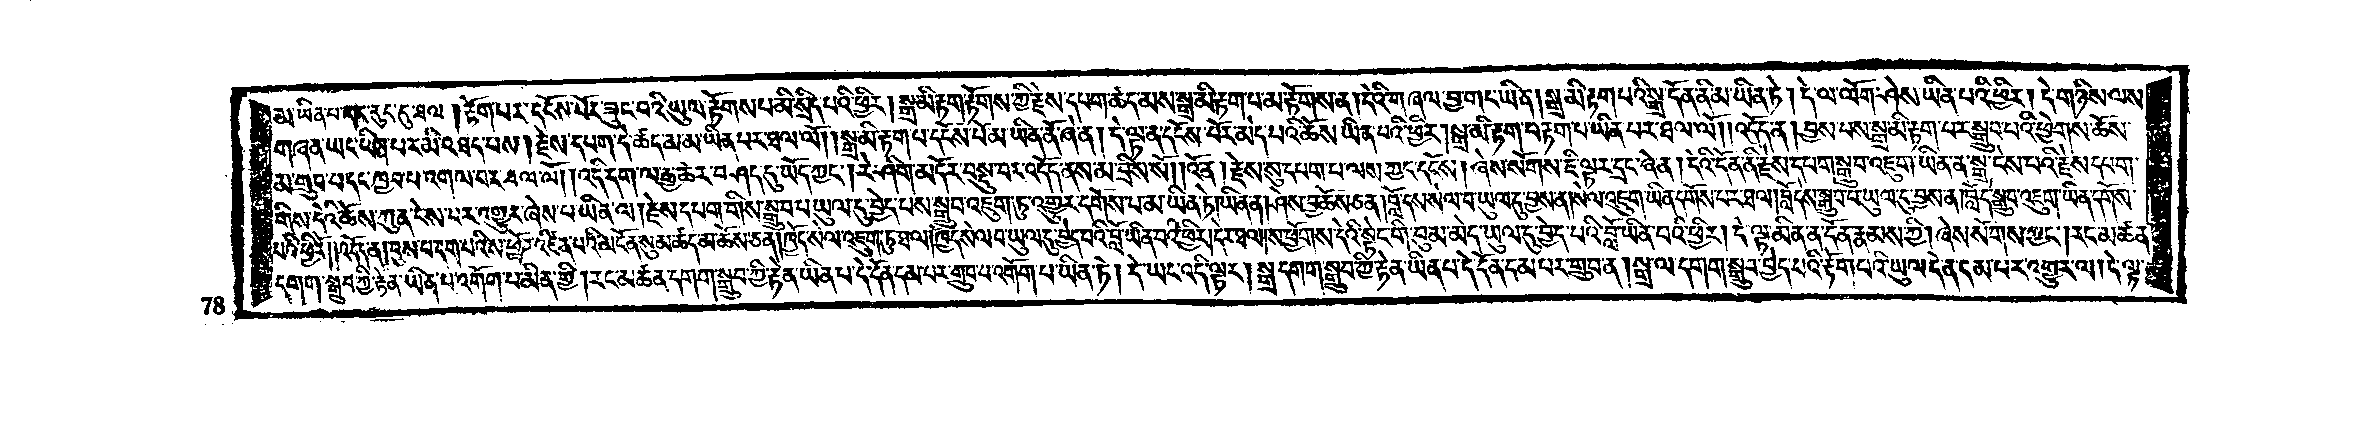མ་ཡིན་པ་གང་རུང་དུ་ཐལ། རྟོག་པས་དངོས་པོར་གྱུར་པའི་ཡུལ་རྟོགས་པ་མི་སྲིད་པའི་ཕྱིར། སྒྲ་མི་རྟག་རྟོགས་ཀྱི་རྗེས་དཔག་ཚད་མས་སྒྲ་མི་རྟག་པ་མ་རྟོགས་ན། དེའི་གཞལ་བྱ་གང་ཡིན། སྒྲ་མི་རྟག་པའི་སྒྲ་དོན་ནི་མ་ཡིན་ཏེ། དེ་ལ་ལོག་ཤེས་ཡིན་པའི་ཕྱིར། དེ་གཉིས་ལས་
གཞན་ཡང་ཡིན་པར་མི་འཐད་པས། རྗེས་དཔག་དེ་ཚད་མ་མ་ཡིན་པར་ཐལ་ལོ། །སྒྲ་མི་རྟག་པ་དངོས་པོ་མ་ཡིན་ནོ་ཞེ་ན། དེ་ལྟ་ན་དངོས་པོར་མེད་པའི་ཆོས་ཡིན་པའི་ཕྱིར། སྒྲ་མི་རྟག་པ་རྟག་པ་ཡིན་པར་ཐལ་ལོ། །འདོད་ན། བྱས་པས་སྒྲ་མི་རྟག་པར་སྒྲུབ་པའི་ཕྱོགས་ཆོས་
མ་གྲུབ་པ་དང་ཁྱབ་པ་འགལ་བར་ཐལ་ལོ། །འདི་དག་ལ་རྒྱ་ཆེར་བཤད་དུ་ཡོད་ཀྱང་། རེ་ཤིག་མདོར་བསྡུ་བར་འདོད་ནས་མ་བྲིས་སོ། །འོ་ན། རྗེས་སུ་དཔག་པ་ལས་ཀྱང་དངོས། ཞེས་སོགས་ཇི་ལྟར་དྲང་ཞེ་ན། དེའི་དོན་ནི་རྗེས་དཔག་སྒྲུབ་འཇུག་ཡིན་ན་སྒྲ་ངེས་པའི་རྗེས་དཔག་
གིས་དེའི་ཆོས་ཀུན་ངེས་པར་འགྱུར་ཞེས་པ་ཡིན་ལ། རྗེས་དཔག་གིས་སྒྲུབ་པ་ཡུལ་དུ་བྱེད་པས་སྒྲུབ་འཇུག་ཏུ་འགྱུར་དགོས་པ་མ་ཡིན་ཏེ། ཡིན་ན། ཤེས་བྱ་ཆོས་ཅན། བློ་དེས་སེལ་བ་ཡུལ་དུ་བྱས་ན། སེལ་འཇུག་ཡིན་དགོས་པར་ཐལ། བློ་དེས་སྒྲུབ་པ་ཡུལ་དུ་བྱས་ན། བློ་དེ་སྒྲུབ་འཇུག་ཡིན་དགོས་
པའི་ཕྱིར་རོ། །འདོད་ན། བུམ་པ་དག་པའི་ས་ཕྱོགས་འཛིན་པའི་མངོན་སུམ་ཚད་མ་ཆོས་ཅན། ཁྱོད་སེལ་འཇུག་ཏུ་ཐལ། ཁྱོད་སེལ་བ་ཡུལ་དུ་བྱེད་པའི་བློ་ཡིན་པའི་ཕྱིར། དེར་ཐལ། ས་ཕྱོགས་དེའི་སྟེང་གི་བུམ་མེད་ཡུལ་དུ་བྱེད་པའི་བློ་ཡིན་པའི་ཕྱིར། དེ་ལྟ་མིན་ན་དོན་རྣམས་ཀྱི། ཞེས་སོགས་ཀྱང་། རང་མཚན་
དགག་སྒྲུབ་ཀྱི་རྟེན་ཡིན་པ་འགོག་པ་མིན་གྱི། རང་མཚན་དགག་སྒྲུབ་ཀྱི་རྟེན་ཡིན་པ་དེ་དོན་དམ་པར་གྲུབ་པ་འགོག་པ་ཡིན་ཏེ། དེ་ཡང་འདི་ལྟར། སྒྲ་དགག་སྒྲུབ་ཀྱི་རྟེན་ཡིན་པ་དེ་དོན་དམ་པར་གྲུབ་ན། སྒྲ་ལ་དགག་སྒྲུབ་བྱེད་པའི་རྟོག་པའི་ཡུལ་དོན་དམ་པར་འགྱུར་ལ། དེ་ལྟ་